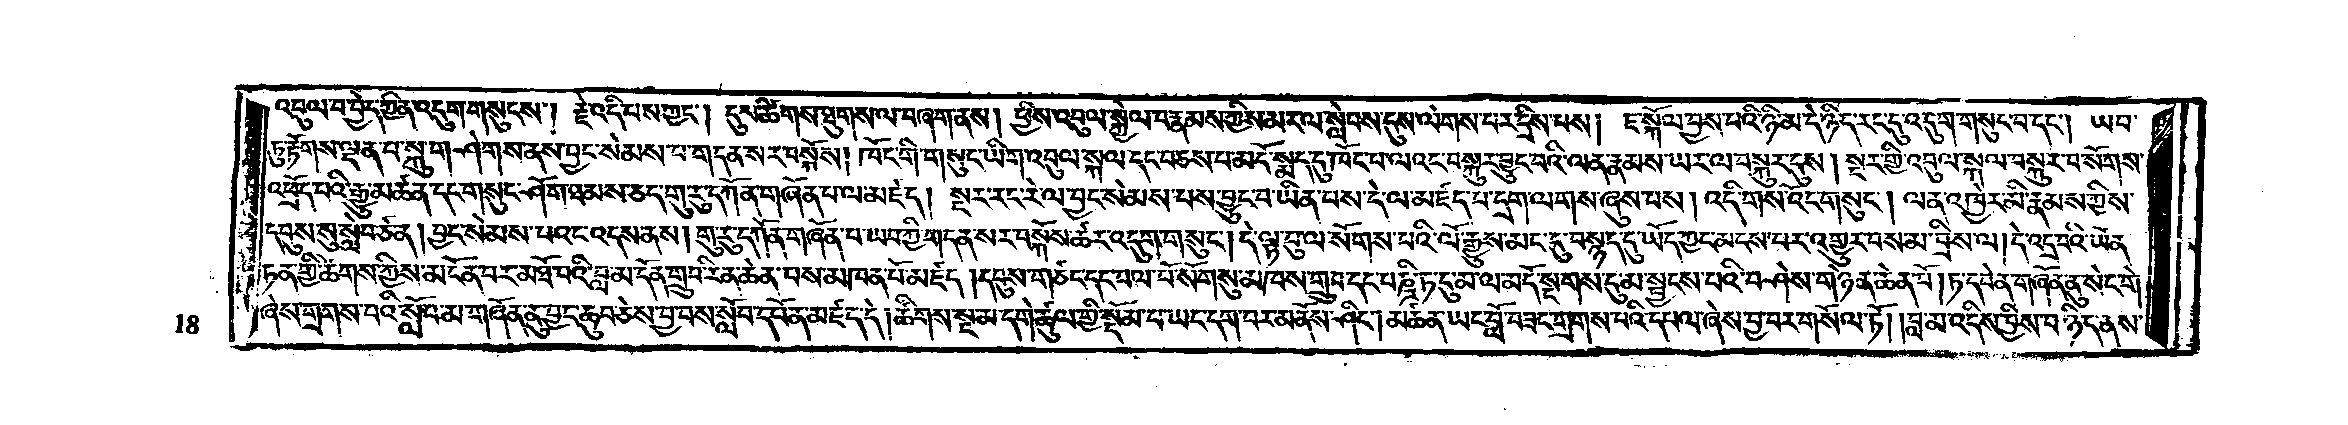འབུལ་བ་བྱེད་ཀྱིན་འདུག་གསུངས། རྗེ་འདི་པས་ཀྱང་། དུས་ཚིགས་ཐུགས་ལ་བཞག་ནས། ཕྱིས་འབུལ་སྐྱེལ་བ་རྣམས་ཀྱིས་མར་ལ་སླེབས་དུས་ལེགས་པར་དྲིས་པས། ཇ་སྐོལ་བྱས་པའི་ཉི་མ་དེ་ཉིད་རང་དུ་འདུག་གསུང་བ་དང་། ཡབ་
ཏུ་རྟོགས་ལྡན་པ་སྐུ་གཤེགས་ནས་བྱང་སེམས་པ་གདན་སར་བསྐོས། ཁོང་གི་གསུང་ཡིག་འབུལ་སྐལ་དང་བཅས་པ་མདོ་སྨད་དུ་ཁོང་པ་ལའང་བསྐུར་བྱུང་བའི་ལན་རྣམས་ཡར་ལ་བསྐུར་དུས། སྔར་གྱི་འབུལ་སྐལ་བསྐུར་བ་སོགས་
འཕྲོད་པའི་རྒྱུ་མཚན་དང་གསུང་ཤོག་ཐམས་ཅད་གུ་རུ་དཀོན་གཞོན་པ་ལ་མཛད། སྔར་རང་རེ་ལ་བྱང་སེམས་པས་བྱུང་བ་ཡིན་པས་དེ་ལ་མཛད་པ་དྲག་ལགས་ཞུས་པས། འདི་གས་འོང་གསུང་། ལན་འཁྱེར་མི་རྣམས་ཀྱིས་
དབུས་སུ་སླེབ་ཙ་ན། བྱང་སེམས་པའང་འདས་ནས། གུ་རུ་དཀོན་གཞོན་པ་ཡབ་ཀྱི་གདན་སར་བསྐོས་ཚར་འདུག་གསུང་། དེ་ལྟ་བུ་ལ་སོགས་པའི་ལོ་རྒྱུས་མང་དུ་བསྙད་དུ་ཡོད་ཀྱང་མདས་པར་འགྱུར་བསམ་བྲིས་ལ། དེ་འདྲ་བའི་ཡོན་
ཏན་གྱི་ཚིགས་ཀྱིས་མངོན་པར་མཐོ་བའི་བླ་མ་དོན་གྲུབ་རིན་ཆེན་པས་མཁན་པོ་མཛད། དབུས་གཙང་དང་བལ་པོ་སོགས་སུ་མཁས་གྲུབ་དང་པཎྜི་ཏ་དུ་མ་ལ་མདོ་སྔགས་དུ་མ་སྦྱངས་པའི་བཤེས་གཉེན་ཆེན་པོ། ཏ་དབེན་གཞོན་ནུ་སེང་གེ་
ཞེས་གྲགས་པའི་སློབ་མ་གཞོན་ནུ་བྱང་ཆུབ་ཅེས་བྱ་བས་སློབ་དཔོན་མཛད་དེ། ཚིགས་སྔ་མ་དགེ་ཚུལ་གྱི་སྡོམ་པ་ཡང་དག་པར་མནོས་ཤིང་། མཚན་ཡང་བློ་བཟང་གྲགས་པའི་དཔལ་ཞེས་བྱ་བར་གསོལ་ཏོ། །བླ་མ་འདིས་བྱིས་པ་ཉིད་ནས་